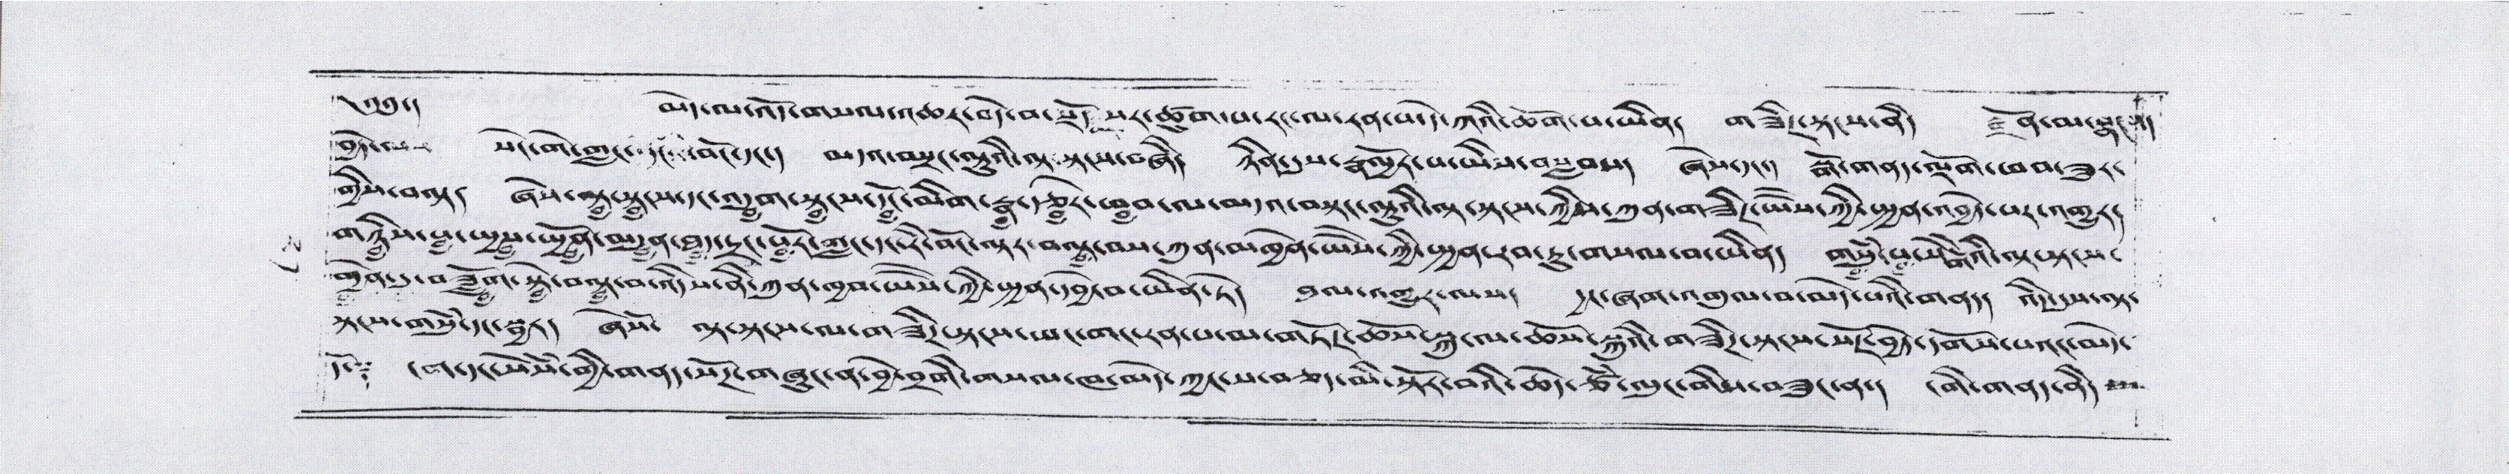མེད་ལ་འོད་གསལ་འཆར་བདེ་བ་སྡོད་སར་ཚུགས་པ་རང་ལ་རན་པ་དེ་ཀའི་ཆོག་པ་ཡིན། གཟིགས་སྟངས་ནི། གཟིགས་སྟངས་ལ། སྒྲོན་མ་སྣང་
བྱེད་ལས། སེང་གེ་གླང་དང་རི་བོང་དང་། མདའ་སྲང་ལྟ་བུའི་ལྟ་སྟངས་བཞི། ཉིན་དུས་རྣལ་འབྱོར་པ་ཡིས་བསླབས། ཞེས་དང་། སྒོ་གནད་ལྡོ་ཕབ་ཟུར་
གྱིས་བལྟ། ཞེས་ལྟ་སྟངས་དང་འདུག་སྟངས་དང་པོ་མིག་སྣ་རྩེར་ཕབ་ལ་མདའ་སྟངས་ལྟ་བུའི་ལྟ་སྟངས་ཀྱིས་ཀུན་གཟིགས་ཡེ་ཤེས་ཀྱི་སྤྱན་འབྱེད་པར་འགྱུར། 
གཉིས་པ་གཡས་གཡོན་མདུན་ཐད་དྲང་པོར་གླང་དང་རི་བོང་ལྟར་ལྟ་བས་ཀུན་མཁྱེན་ཡེ་ཤེས་ཀྱི་སྤྱན་རབ་ཏུ་གསལ་བ་ཡིན། གསུམ་པ་སེང་གེའི་ལྟ་སྟངས་
གྱེན་དུ་བཟློག་ཏེ་བལྟ་བ་འདིས་ནི་ཀུན་ཁྱབ་ཡེ་ཤེས་ཀྱི་སྤྱན་དབྱེ་བ་ཡིན་ཏེ། ཐལ་འགྱུར་ལས། རྒྱང་ཞག་འགུལ་བ་མེད་པའི་གནད། འདི་དུས་ལྟ་
སྟངས་གསུམ་དང་སྦྱར། ཞེས་སོ། ལྟ་སྟངས་ལ་གཟིགས་སྟངས་གང་རན་པ་མ་གཏོགས་ཆོས་སྐུ་ལ་ཆོས་སྐུའི་གཟིགས་སྟངས་སོགས་བྱེད་དགོས་པའང་མེད་
དོ། ངག་དང་སེམས་སོགས་གཞུང་ན་བྱེ་བྲག་གི་གསལ་ཁ་མེད་ཀྱང་ས་བཅད་མི་སྟོར་བའི་ཆེད་ཙམ་ལུང་གིས་བཟུང་ན། ངག་གི་གནད་ནི།